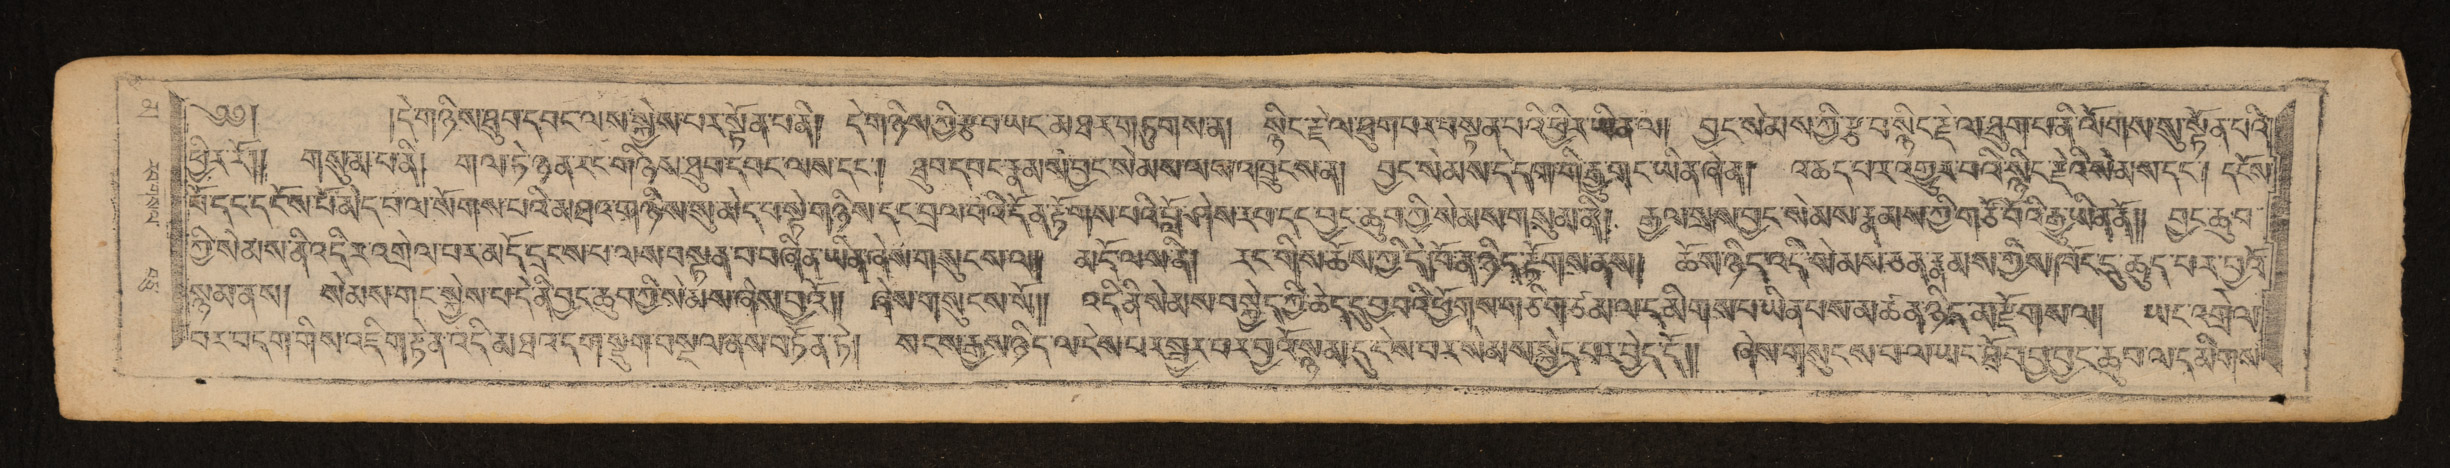༄༅། །དེ་གཉིས་ཐུབ་དབང་ལས་སྐྱེས་པར་སྟོན་པ་ནི། དེ་གཉིས་ཀྱི་རྩ་བ་ཡང་མཐར་གཏུགས་ན། སྙིང་རྗེ་ལ་ཐུག་པར་བསྟན་པའི་ཕྱིར་ཡིན་ལ། བྱང་སེམས་ཀྱི་རྩ་བ་སྙིང་རྗེ་ལ་ཐུག་པ་ནི་ལོགས་སུ་སྟོན་པའི་
ཕྱིར་རོ།། གསུམ་པ་ནི། གལ་ཏེ་ཉན་རང་གཉིས་ཐུབ་དབང་ལས་དང་། ཐུབ་དབང་རྣམས་བྱང་སེམས་ལས་འཁྲུངས་ན། བྱང་སེམས་དེ་དག་གི་རྒྱུ་གང་ཡིན་ཞེ་ན། འཆད་པར་འགྱུར་བའི་སྙིང་རྗེའི་སེམས་དང་། དངོས་
པོ་དང་དངོས་པོ་མེད་པ་ལ་སོགས་པའི་མཐའ་གཉིས་སུ་མེད་པ་སྟེ་གཉིས་དང་བྲལ་བའི་དོན་རྟོགས་པའི་བློ་ཤེས་རབ་དང་བྱང་ཆུབ་ཀྱི་སེམས་གསུམ་ནི། རྒྱལ་སྲས་བྱང་སེམས་རྣམས་ཀྱི་གཙོ་བོའི་རྒྱུ་ཡིན་ནོ།། བྱང་ཆུབ་
ཀྱི་སེམས་ནི་འདིར་འགྲེལ་པར་མདོ་དྲངས་པ་ལས་བསྟན་པ་བཞིན་ཡིན་ཞེས་གསུངས་ལ། མདོ་ལས་ནི། རང་གིས་ཆོས་ཀྱི་དེ་ཁོ་ན་ཉིད་རྟོགས་ནས། ཆོས་ཉིད་འདི་སེམས་ཅན་རྣམས་ཀྱིས་ཁོང་དུ་ཆུད་པར་བྱའོ་
སྙམ་ནས། སེམས་གང་སྐྱེས་པ་དེ་ནི་བྱང་ཆུབ་ཀྱི་སེམས་ཞེས་བྱའོ།། ཞེས་གསུངས་སོ།། འདི་ནི་སེམས་བསྐྱེད་ཀྱི་ཆེད་དུ་བྱ་བའི་ཕྱོགས་གཅིག་ཙམ་ལ་དམིགས་པ་ཡིན་པས་མཚན་ཉིད་མ་རྫོགས་ལ། ཡང་འགྲེལ་
པར་བདག་གིས་འཇིག་རྟེན་འདི་མཐའ་དག་སྡུག་བསྔལ་ནས་བཏོན་ཏེ། སངས་རྒྱས་ཉིད་ལ་ངེས་པར་སྦྱར་བར་བྱའོ་སྙམ་དུ་ངེས་པར་སེམས་སྐྱེད་པར་བྱེད་དོ།། ཞེས་གསུངས་པ་ལ་ཡང་ཐོབ་བྱ་བྱང་ཆུབ་ལ་དམིགས་